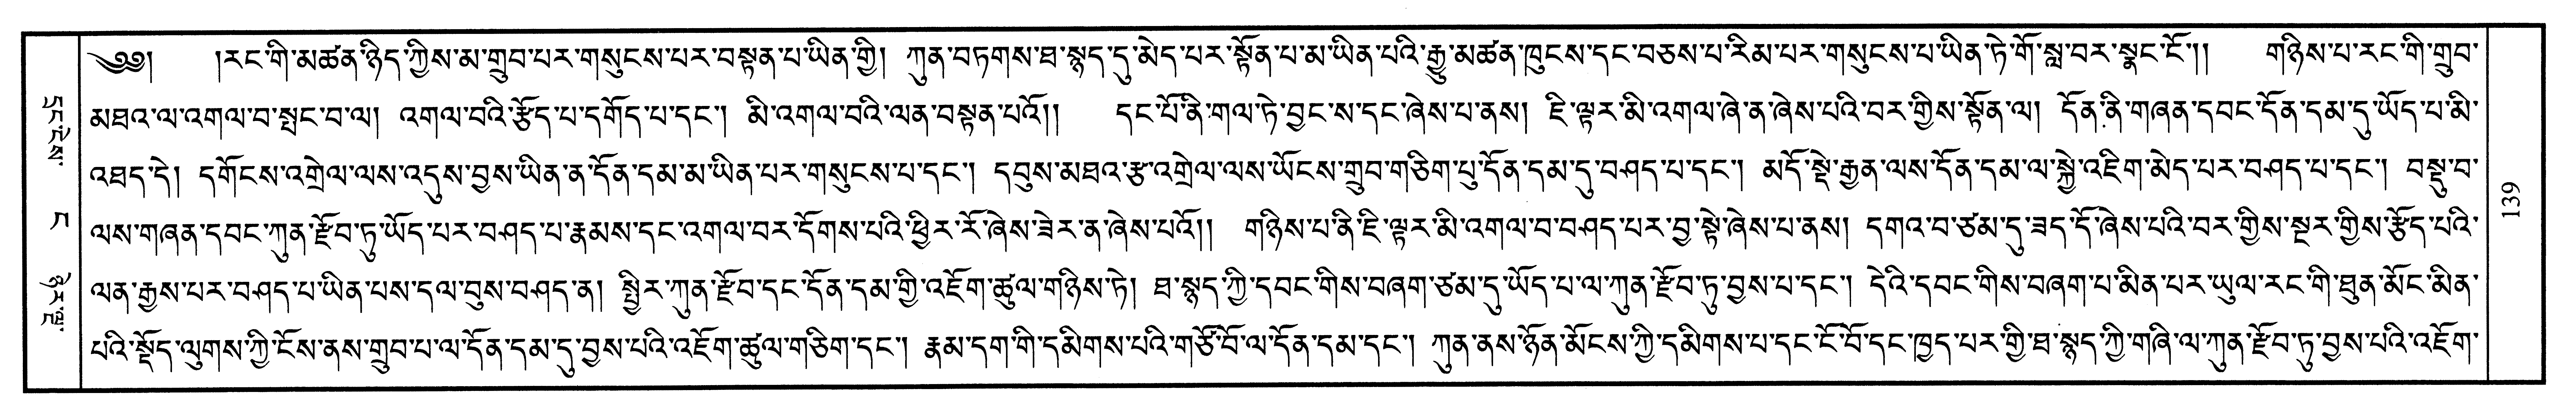༄༅། །རང་གི་མཚན་ཉིད་ཀྱིས་མ་གྲུབ་པར་གསུངས་པར་བསྟན་པ་ཡིན་གྱི། ཀུན་བཏགས་ཐ་སྙད་དུ་མེད་པར་སྟོན་པ་མ་ཡིན་པའི་རྒྱུ་མཚན་ཁུངས་དང་བཅས་པ་རིམ་པར་གསུངས་པ་ཡིན་ཏེ་གོ་སླ་བར་སྣང་ངོ།། གཉིས་པ་རང་གི་གྲུབ་
མཐའ་ལ་འགལ་བ་སྤང་བ་ལ། འགལ་བའི་རྩོད་པ་དགོད་པ་དང་། མི་འགལ་བའི་ལན་བསྟན་པའོ།། དང་པོ་ནི་གལ་ཏེ་བྱང་ས་དང་ཞེས་པ་ནས། ཇི་ལྟར་མི་འགལ་ཞེ་ན་ཞེས་པའི་བར་གྱིས་སྟོན་ལ། དོན་ནི་གཞན་དབང་དོན་དམ་དུ་ཡོད་པ་མི་
འཐད་དེ། དགོངས་འགྲེལ་ལས་འདུས་བྱས་ཡིན་ན་དོན་དམ་མ་ཡིན་པར་གསུངས་པ་དང་། དབུས་མཐའ་རྩ་འགྲེལ་ལས་ཡོངས་གྲུབ་གཅིག་པུ་དོན་དམ་དུ་བཤད་པ་དང་། མདོ་སྡེ་རྒྱན་ལས་དོན་དམ་ལ་སྐྱེ་འཇིག་མེད་པར་བཤད་པ་དང་། བསྡུ་བ་
ལས་གཞན་དབང་ཀུན་རྫོབ་ཏུ་ཡོད་པར་བཤད་པ་རྣམས་དང་འགལ་བར་དོགས་པའི་ཕྱིར་རོ་ཞེས་ཟེར་ན་ཞེས་པའོ།། གཉིས་པ་ནི་ཇི་ལྟར་མི་འགལ་བ་བཤད་པར་བྱ་སྟེ་ཞེས་པ་ནས། དགའ་བ་ཙམ་དུ་ཟད་དོ་ཞེས་པའི་བར་གྱིས་སྔར་གྱིས་རྩོད་པའི་
ལན་རྒྱས་པར་བཤད་པ་ཡིན་པས་དལ་བུས་བཤད་ན། སྤྱིར་ཀུན་རྫོབ་དང་དོན་དམ་གྱི་འཇོག་ཚུལ་གཉིས་ཏེ། ཐ་སྙད་ཀྱི་དབང་གིས་བཞག་ཙམ་དུ་ཡོད་པ་ལ་ཀུན་རྫོབ་ཏུ་བྱས་པ་དང་། དེའི་དབང་གིས་བཞག་པ་མིན་པར་ཡུལ་རང་གི་ཐུན་མོང་མིན་
པའི་སྡོད་ལུགས་ཀྱི་ངོས་ནས་གྲུབ་པ་ལ་དོན་དམ་དུ་བྱས་པའི་འཇོག་ཚུལ་གཅིག་དང་། རྣམ་དག་གི་དམིགས་པའི་གཙོ་བོ་ལ་དོན་དམ་དང་། ཀུན་ནས་ཉོན་མོངས་ཀྱི་དམིགས་པ་དང་ངོ་བོ་དང་ཁྱད་པར་གྱི་ཐ་སྙད་ཀྱི་གཞི་ལ་ཀུན་རྫོབ་ཏུ་བྱས་པའི་འཇོག་